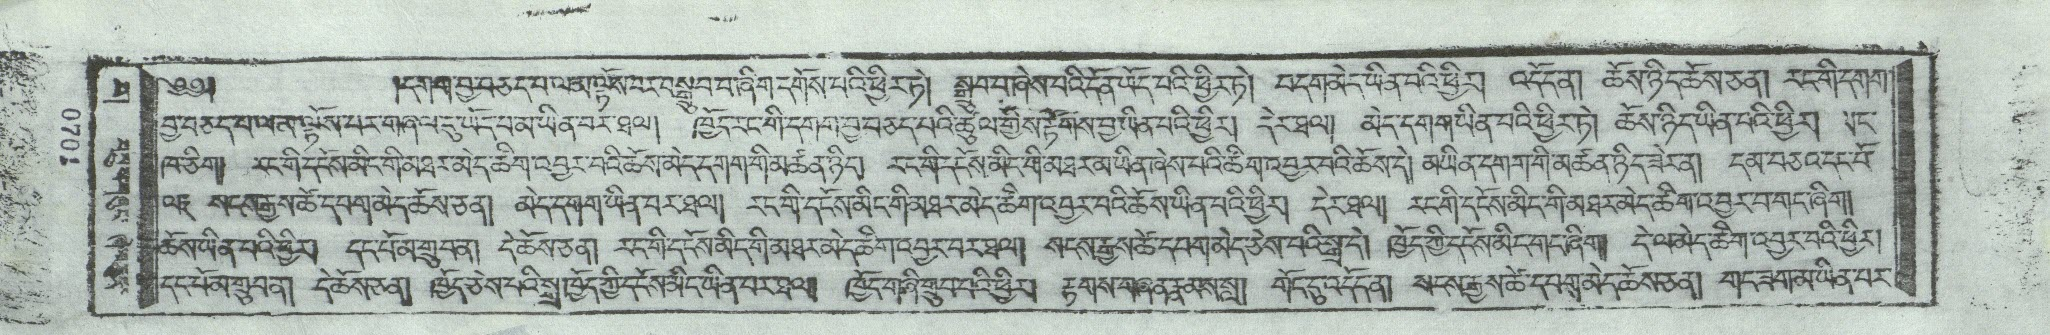༄༅། །དགག་བྱ་བཅད་བ་ལས་ལྟོས་བར་བསྒྲུབ་པ་ཞིག་དགོས་པའི་ཕྱིར་ཏེ། སྒྲུབ་པ་ཞེས་པའི་དོན་ཡོད་པའི་ཕྱིར་ཏེ། བདག་མེད་ཡིན་པའི་ཕྱིར། འདོད་ན། ཆོས་ཉིད་ཆོས་ཅན། རང་གི་དགག་
བྱ་བཅད་པ་ལ་མ་ལྟོས་པར་གཞལ་དུ་ཡོད་པ་མ་ཡིན་པར་ཐལ། ཁྱོད་རང་གི་དགག་བྱ་བཅད་པའི་ཚུལ་གྱིས་རྟོགས་བྱ་ཡིན་པའི་ཕྱིར། དེར་ཐལ། མེད་དགག་ཡིན་པའི་ཕྱིར་ཏེ། ཆོས་ཉིད་ཡིན་པའི་ཕྱིར། ཡང་
ཁ་ཅིག། རང་གི་དངོས་མིང་གི་མཐར་མེད་ཚིག་འབྱར་བའི་ཆོས་མེད་དགག་གི་མཚན་ཉིད། རང་གི་དངོས་མིང་གི་མཐར་མ་ཡིན་ཞེས་པའི་ཚིག་འབྱར་བའི་ཆོས་དེ། མ་ཡིན་དགག་གི་མཚན་ཉིད་ཟེར་ན། དམ་བཅའ་དང་པོ་
ལ༑ སངས་རྒྱས་ཚེ་དཔག་མེད་ཆོས་ཅན། མེད་དགག་ཡིན་པར་ཐལ། རང་གི་དངོས་མིང་གི་མཐར་མེད་ཚིག་འབྱར་བའི་ཆོས་ཡིན་པའི་ཕྱིར། དེར་ཐལ། རང་གི་དངོས་མིང་གི་མཐར་མེད་ཚིག་འབྱར་བ་གང་ཞིག།
ཆོས་ཡིན་པའི་ཕྱིར། དང་པོ་མ་གྲུབ་ན། དེ་ཆོས་ཅན། རང་གི་དངོས་མིང་གི་མཐར་མེད་ཚིག་འབྱར་བར་ཐལ། སངས་རྒྱས་ཚེ་དཔག་མེད་ཅེས་པའི་སྒྲ་དེ། ཁྱོད་ཀྱི་དངོས་མིང་གང་ཞིག། དེ་ལ་མེད་ཚིག་འབྱར་བའི་ཕྱིར།
དང་པོ་མ་གྲུབ་ན། དེ་ཆོས་ཅན། ཁྱོད་ཅེས་པའི་སྒྲ་ཁྱོད་ཀྱི་དངོས་མིང་ཡིན་པར་ཐལ། ཁྱོད་གཞི་གྲུབ་པའི་ཕྱིར། རྟགས་གཞན་རྣམས་སླ། གོང་དུ་འདོད་ན། སངས་རྒྱས་ཚེ་དཔག་མེད་ཆོས་ཅན། གང་ཟག་མ་ཡིན་པར་